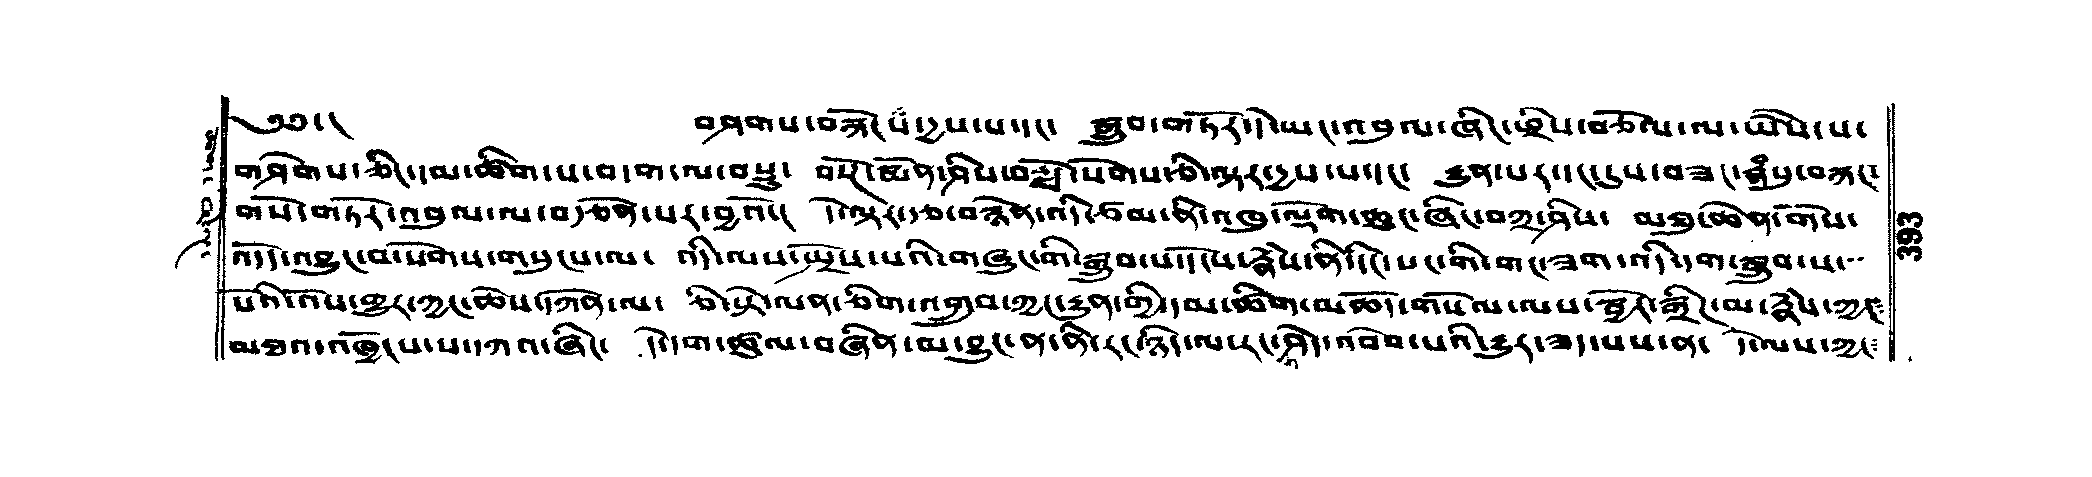བཤགས་བསྐོངས་རྒྱས་པ་དང་། སྒྲུབ་གཏོར་དེ་ཡང་འབུལ་ཞིང་ཕྲིན་ལས་བཅོལ་ལ་ཡེ་ཤེས་པ་
གཤེགས་ཤིང་དམ་ཚིག་པ་བདག་ལ་བསླུ། བསྔོ་སྨོན་ཤིས་བརྗོད་སོགས་ཅི་ལྟར་རྒྱས་པ་དང་།རྒྱུན་པར་ངང་དུས་བཟང་རྣམས་སུ་བསྐང་
གསོ་གཏོར་འབུལ་ལ་བརྩོན་པར་བྱའོ། དེ་ལྟར་རྩ་བསྙེན་འདི་ཙམ་ནི་་འཁུ་ལྡོག་ཆུང་ཞིང་བཀྲ་ཤིས། མཐུ་ཆེན་གོས་
འདོད་འབྱུང་བ་སོགས་གསུངས་ལ། འདི་ལས་སྤྲོས་པའི་གཞུང་གི་སྒྲུབ་པ་དངོས་རྣམས་ནི་དིང་སང་གི་གང་ཟག་འདི་དག་སྒྲུབ་པ་
པོའི་འོས་སུ་གྱུར་ཀྱང་ཆེས་དཀོན་ལ། ཅི་སྟེ་ལན་གཅིག་འགྲུབ་ཀྱང་རྒྱུན་གྱི་དམ་ཚིག་མཆོད་གསོལ་ལས་སྦྱོར་སྒྲིགས་མ་རྣམས་ཀྱང་
མཐའ་འཁྱོངས་པ་དཀའ་ཞིང་། དེ་དག་ཚུལ་བཞིན་མ་བྱུང་ན་ནི་རང་ཉིད་ལ་རང་གཤེད་འབེབ་པའི་རྒྱུར་ཟད་པས་ན། དེ་ལས་ཀྱང་